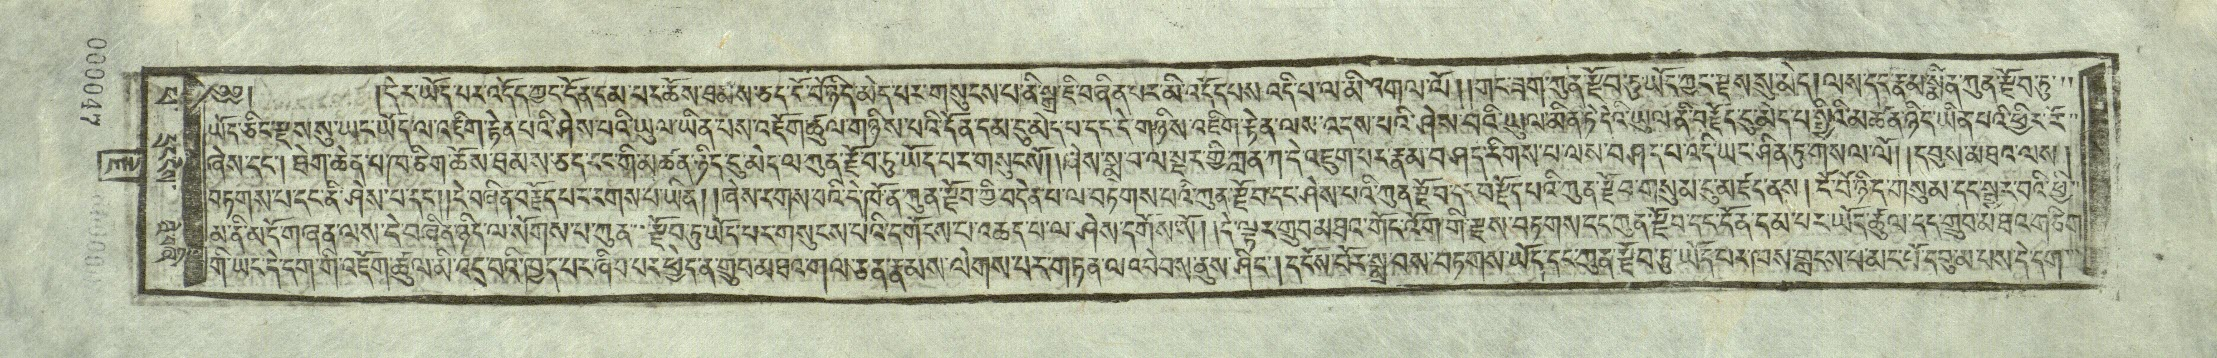༄༅། །དེར་ཡོད་པར་འདོད་ཀྱང་དོན་དམ་པར་ཆོས་ཐམས་ཅད་ངོ་བོ་ཉིད་མེད་པར་གསུངས་པ་ནི་སྒྲ་ཇི་བཞིན་པར་མི་འདོད་པས་འདི་པ་ལ་མི་འགལ་ལོ། །གང་ཟག་ཀུན་རྫོབ་ཏུ་ཡོད་ཀྱང་རྫས་སུ་མེད། ལས་དང་རྣམ་སྨིན་ཀུན་རྫོབ་ཏུ་
ཡོད་ཅིང་རྫས་སུ་ཡང་ཡོད་ལ་འཇིག་རྟེན་པའི་ཤེས་པའི་ཡུལ་ཡིན་པས་འཇོག་ཚུལ་གཉིས་བའི་དོན་དམ་དུ་མེད་པ་དང་དེ་གཉིས་འཇིག་རྟེན་ལས་འདས་པའི་ཤེས་པའི་ཡུལ་མིན་ཏེ་དེའི་ཡུལ་ནི་བརྗོད་དུ་མེད་པ་སྤྱིའི་མཚན་ཉིད་ཡིན་པའི་ཕྱིར་རོ་
ཞེས་དང་། ཐེག་ཆེན་པ་ཁ་ཅིག་ཆོས་ཐམས་ཅད་རང་གི་མཚན་ཉིད་དུ་མེད་ལ་ཀུན་རྫོབ་ཏུ་ཡོད་པར་གསུངས་སོ། །ཞེས་སྨྲ་བ་ལ་སྔར་གྱི་ཀླན་ཀ་དེ་འཇུག་པར་རྣམ་བཤད་རིགས་པ་ལས་བཤད་པ་འདི་ཡང་ཤིན་ཏུ་གསལ་ལོ། །དབུས་མཐའ་ལས།
བཏགས་པ་དང་ནི་ཤེས་པ་དང་། །དེ་བཞིན་བརྗོད་པར་རགས་པ་ཡིན། །ཞེས་རགས་པའི་དེ་ཁོ་ན་ཀུན་རྫོབ་ཀྱི་བདེན་པ་ལ་བཏགས་པའི་ཀུན་རྫོབ་དང་ཤེས་པའི་ཀུན་རྫོབ་དང་བརྗོད་པའི་ཀུན་རྫོབ་གསུམ་དུ་མཛད་ནས། ངོ་བོ་ཉིད་གསུམ་དང་སྦྱར་བའི་ཕྱི་
མ་ནི་མདོ་གཞན་ལས་དེ་བཞིན་ཉིད་ལ་སོགས་པ་ཀུན་རྫོབ་ཏུ་ཡོད་པར་གསུངས་པའི་དགོངས་པ་འཆད་པ་ལ་ཤེས་དགོས་སོ། །དེ་ལྟར་གྲུབ་མཐའ་གོང་འོག་གི་རྫས་བཏགས་དང་ཀུན་རྫོབ་དང་དོན་དམ་པར་ཡོད་ཚུལ་དང་གྲུབ་མཐའ་གཅིག་
གི་ཡང་དེ་དག་གི་འཇོག་ཚུལ་མི་འདྲ་བའི་ཁྱད་པར་ཞིབ་པར་ཕྱེད་ན་གྲུབ་མཐའ་གལ་ཅན་རྣམས་ལེགས་པར་གཏན་ལ་འབེབས་ནུས་ཤིང་། དངོས་པོར་སྨྲ་བས་བཏགས་ཡོད་དང་ཀུན་རྫོབ་ཏུ་ཡོད་པར་ཁས་བླངས་པ་མང་པོ་དབུ་མ་པས་དེ་དག་